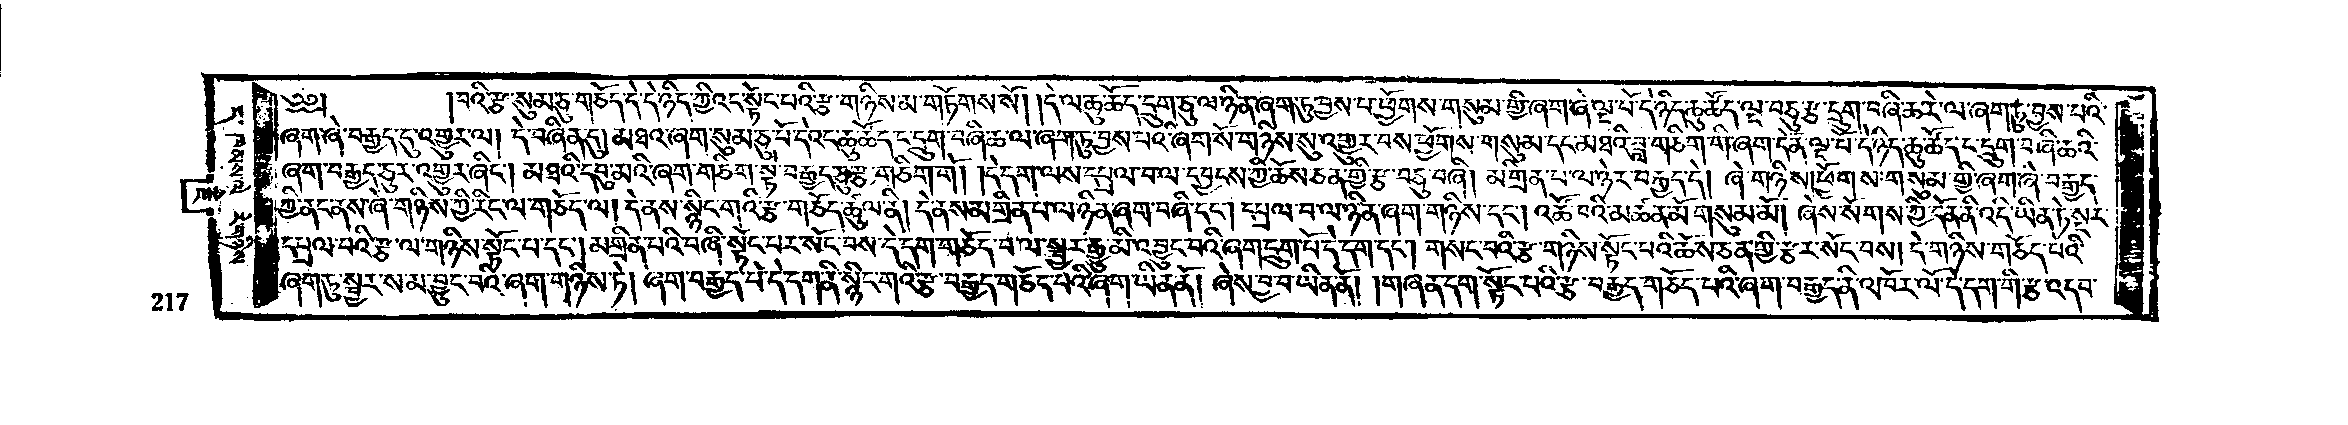༄༅། །བའི་རྩ་སུམ་ཅུ་གཅོད་དེ་དེ་ཉིད་ཀྱིའང་སྟོང་པའི་རྩ་གཉིས་མ་གཏོགས་སོ། །དེ་ལ་ཆུ་ཆོད་དྲུག་ཅུ་ལ་ཉིན་ཞག་ཏུ་བྱས་པ་ཕྱོགས་གསུམ་གྱི་ཞག་ཞེ་ལྔ་པོ་དེ་ཉིད་ཆུ་ཚོད་ལྔ་བཅུ་རྩ་དྲུག་བཞི་ཆ་རེ་ལ་ཞག་ཏུ་བྱས་པའི་
ཞག་ཞེ་བརྒྱད་དུ་འགྱུར་ལ། དེ་བཞིན་དུ། མཐའ་ཞག་སུམ་ཅུ་པོ་དེའང་ཆུ་ཚོད་ང་དྲུག་བཞི་ཆ་ལ་ཞག་ཏུ་བྱས་པའི་ཞག་སོ་གཉིས་སུ་འགྱུར་བས་ཕྱོགས་གསུམ་དང་མཐའི་ཟླ་གཅིག་གི་ཞག་དོན་ལྔ་པོ་དེ་ཉིད་ཆུ་ཚོད་ང་དྲུག་བཞི་ཆའི་
ཞག་བརྒྱད་ཅུར་འགྱུར་ཞིང་། མཐའི་དབུ་མའི་ཞག་གཅིག་སྟེ་བརྒྱད་ཅུ་རྩ་གཅིག་གོ ། །དེ་དག་ལས་དཔྲལ་བ་ལ་དབྱངས་ཀྱི་ཆོས་ཅན་གྱི་རྩ་བཅུ་བཞི། མགྲིན་པ་ལ་ཉེར་བརྒྱད་དེ། ཞེ་གཉིས། ཕྱོགས་གསུམ་གྱི་ཞག་ཞེ་བརྒྱད་
ཀྱི་ནང་ནས་ཞེ་གཉིས་ཀྱི་རིང་ལ་གཅོད་ལ། དེ་ནས་སྙིང་གའི་རྩ་གཅོད་ཚུལ་ནི། དེ་ནས་མགྲིན་པ་ལ་ཉིན་ཞག་བཞི་དང་། དཔྲལ་བ་ལ་ཉིན་ཞག་གཉིས་དང་། འཚོ་བའི་མཚན་མོ་གསུམ་མོ། ཞེས་སོགས་ཀྱི་དོན་ནི་འདི་ཡིན་ཏེ་སྔར་
དཔྲལ་བའི་རྩ་ལ་གཉིས་སྟོང་པ་དང་། མགྲིན་པའི་བཞི་སྟོང་པར་སོང་བས་དེ་དག་གཅོད་པ་ལ་སྦྱར་རྒྱུ་མི་འབྱུང་བའི་ཞག་དྲུག་པོ་དེ་དག་དང་། གསང་བའི་རྩ་གཉིས་སྟོང་པའི་ཆོས་ཅན་གྱི་རྩར་སོང་བས། དེ་གཉིས་གཅོད་པའི་
ཞག་ཏུ་སྦྱར་ས་མ་བྱུང་བའི་ཞག་གཉིས་ཏེ། ཞག་བརྒྱད་པོ་དེ་དག་ནི་སྙིང་གའི་རྩ་བརྒྱད་གཅོད་པའི་ཞག་ཡིན་ནོ། ཞེས་བྱ་བ་ཡིན་ནོ། །གཞན་དག་སྟོང་པའི་རྩ་བརྒྱད་གཅོད་པའི་ཞག་བརྒྱད་ནི་འཁོར་ལོ་དེ་དག་གི་རྩ་འདབ་